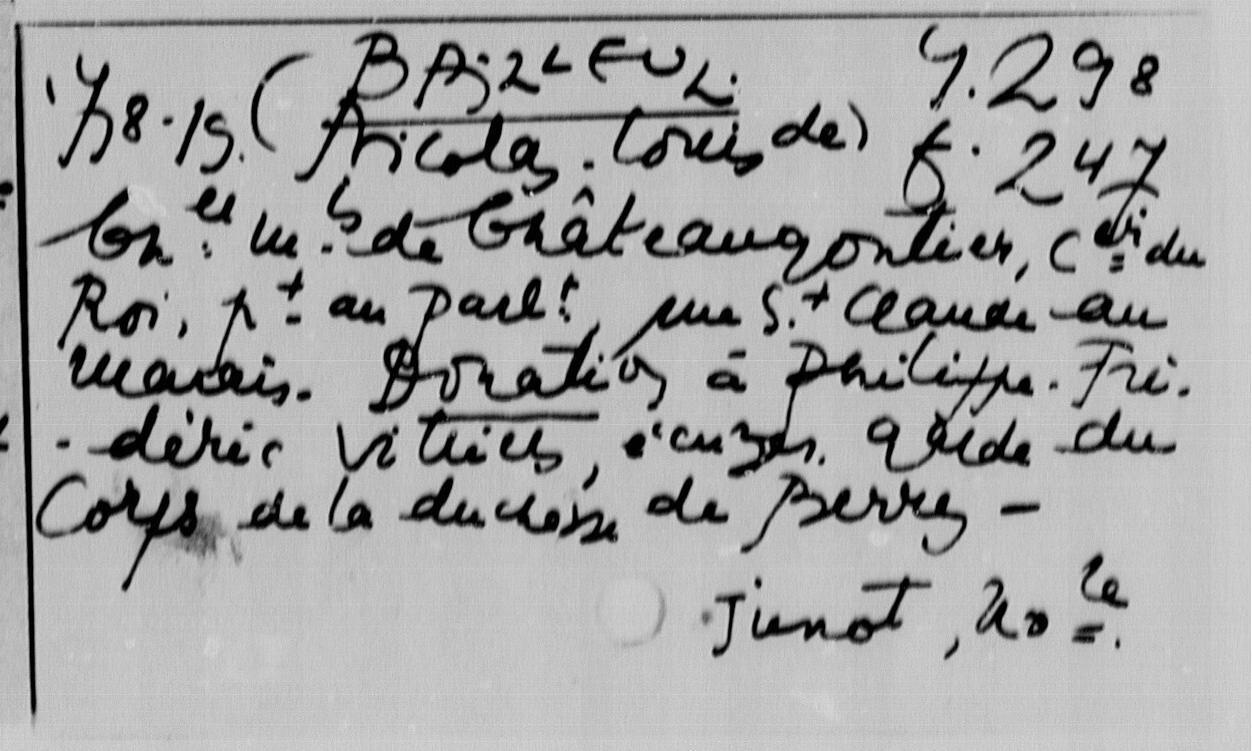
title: BAILLEUL (Nicolas-Louis de)
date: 1718-1719
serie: Y
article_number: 298
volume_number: folio 247
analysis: Chevalier, marquis de Château-Gontier, conseiller du roi, président au Parlement, paroisse Saint-Claude-au-Marais Donation à Philippe Frédéric Vitriers, écuyer, garde du corps de la duchesse de Berry Junot, notaire
